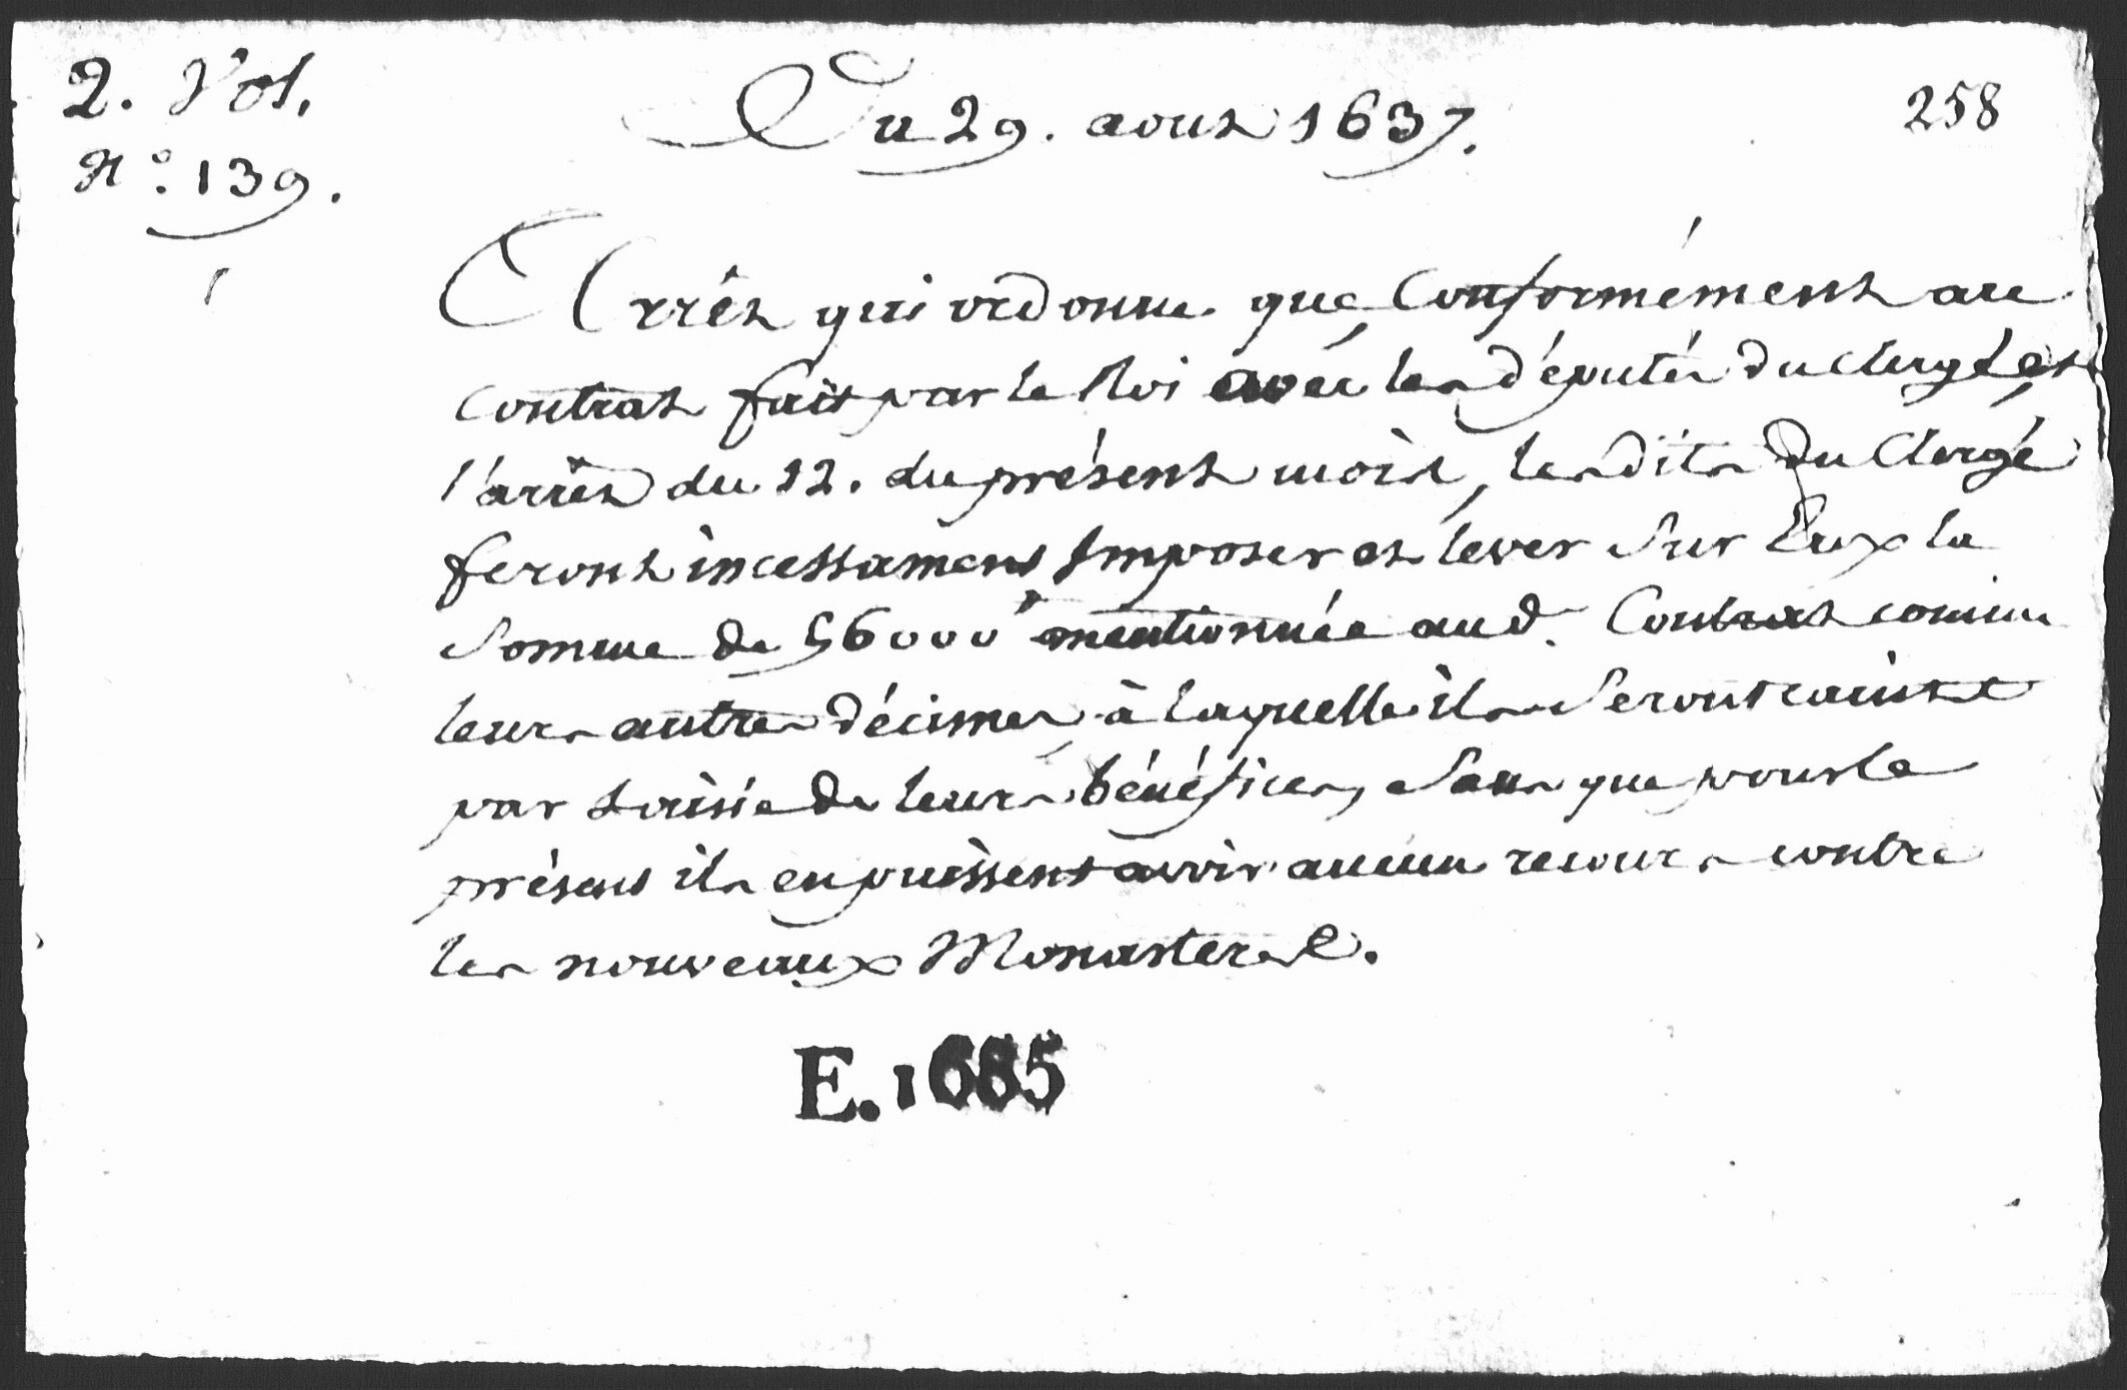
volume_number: n°139
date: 29 août 1637
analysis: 258
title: Arrêt qui ordonne que, conformément au contrat fait par le Roi avec les députés du clergé et l'arrêt du 12. du présent mois, lesdits du clergé feront incessamment imposer et lever sur eux la somme de 56000 # mentionnée aud. contrat comme leurs autres décimes à laquelle ils seront contraints par saisie de leurs bénéfices, sans que pour le présent ils en puissent avoir aucun recours contre les nouveaux monastères.
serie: E
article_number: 1685
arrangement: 2. vol.
